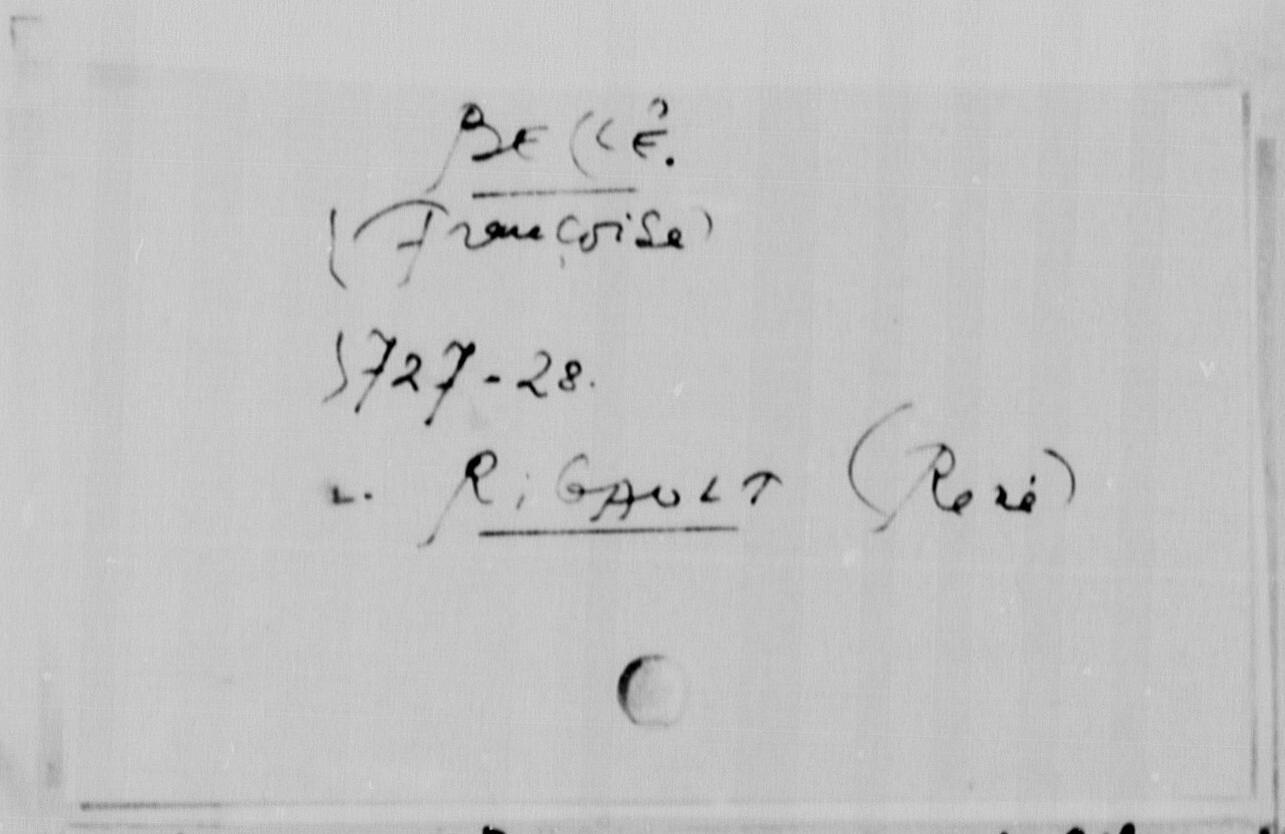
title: BELLÉ (Françoise)
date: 1727-1728
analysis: Voir RIGAULT (René)
